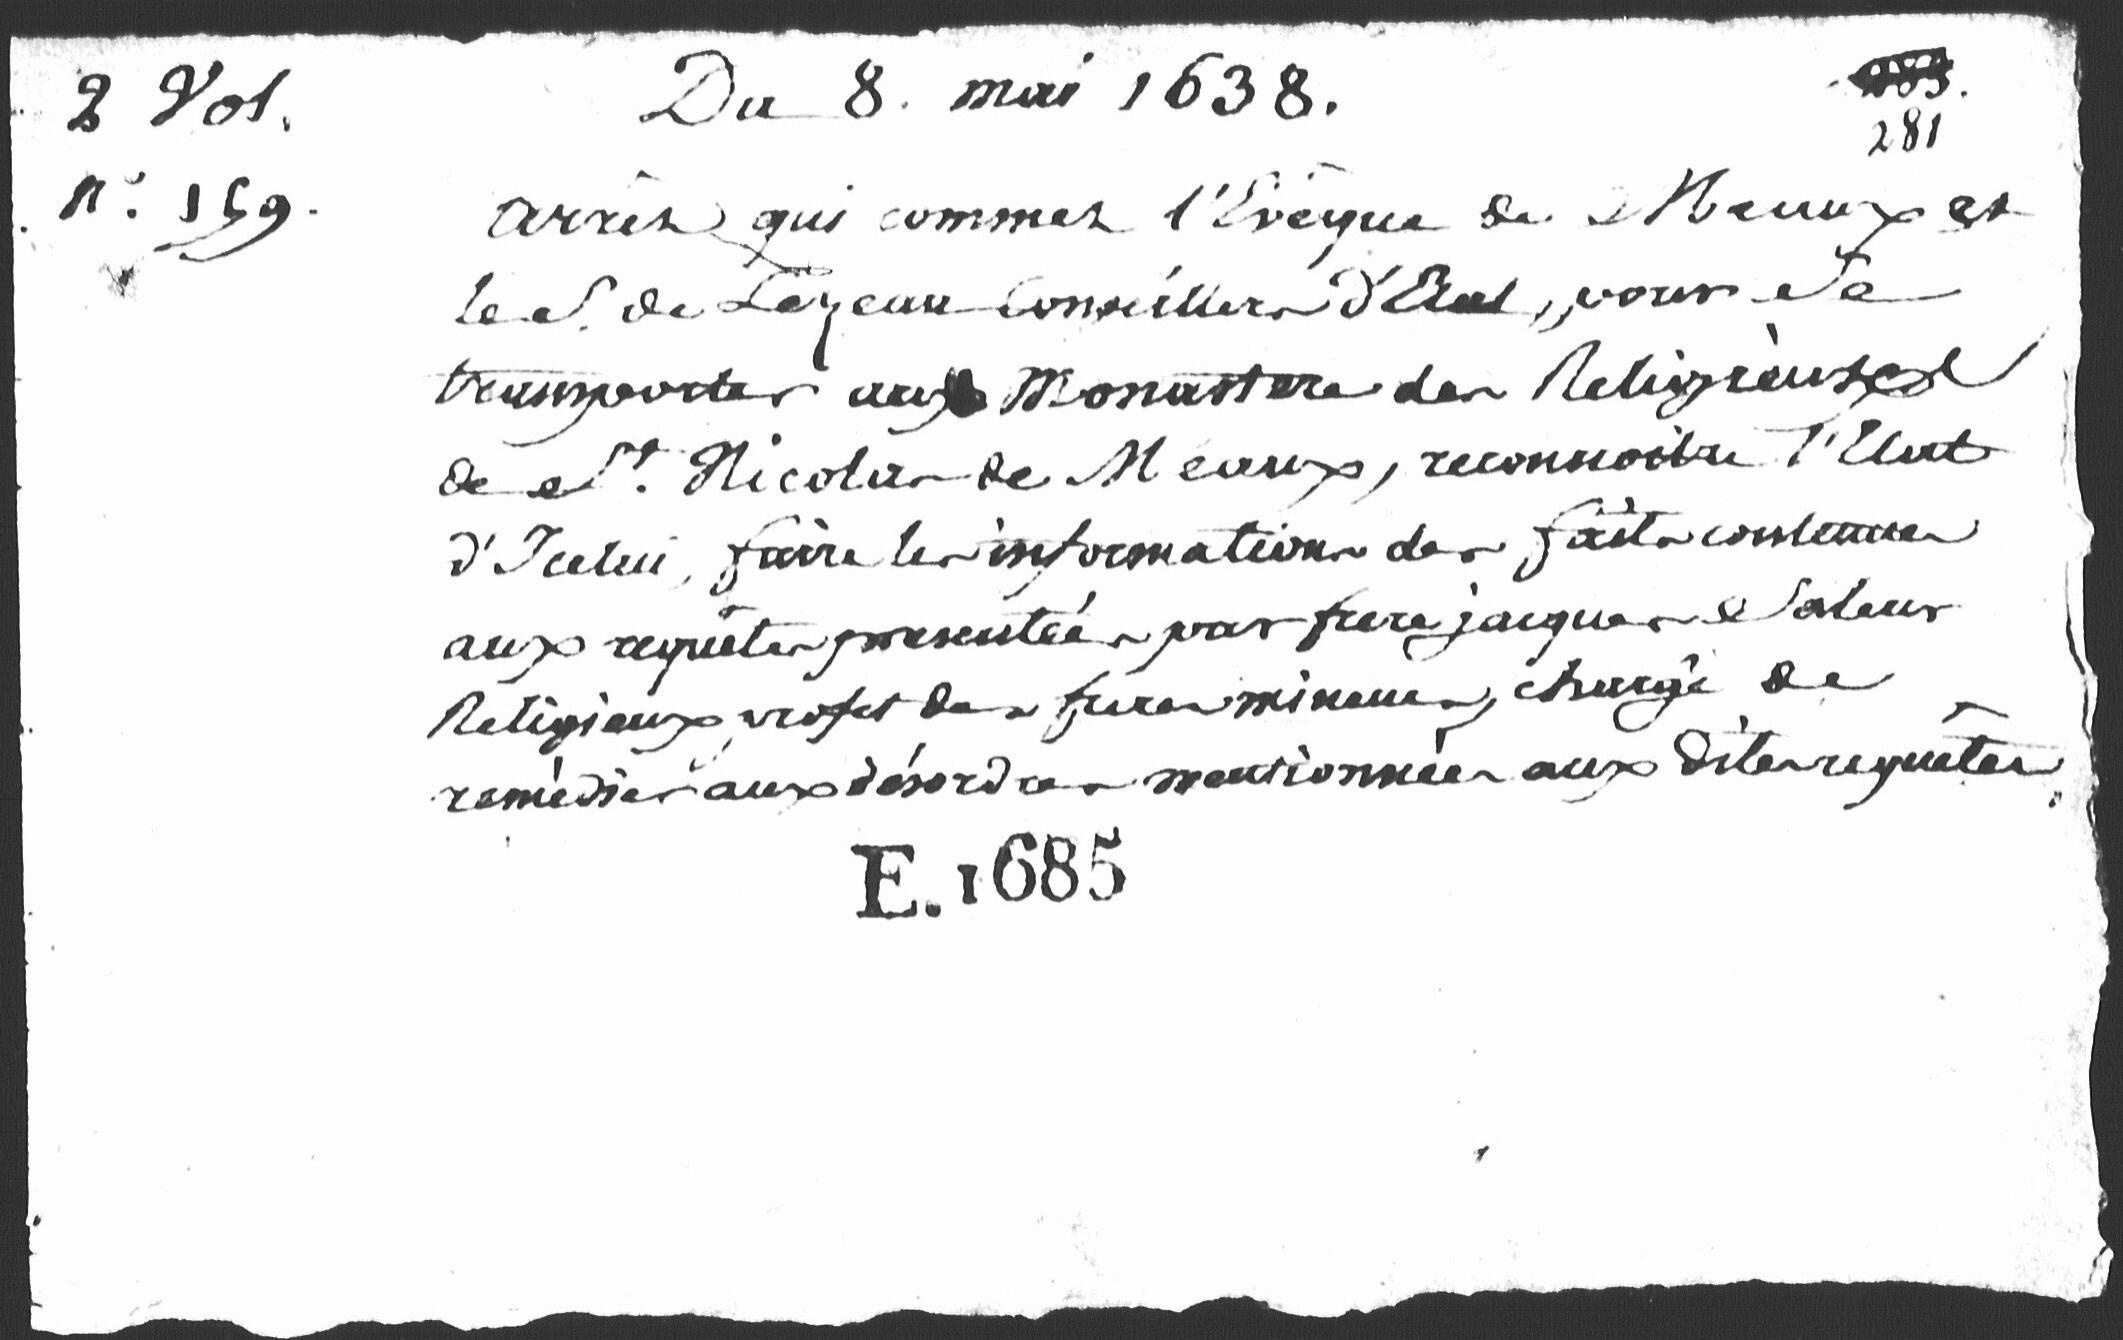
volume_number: n°159
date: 8 mai 1638
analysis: [283 barré] 281
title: Arrêt qui commet l'Evêque de Meaux et le S. de Lezeau conseiller d'Etat, pour se transporter au monastere des Religieuses de S.t Nicolas de Meaux, reconnoitre l'etat d'Icelui, faire les informations des faits contenus aux requêtes presentées par frere jacques Saleur Religieux profes des freres mineurs, chargé de remédier aux désordres mentionnés aux dites requêtes.
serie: E
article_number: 1685
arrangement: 2 vol.
